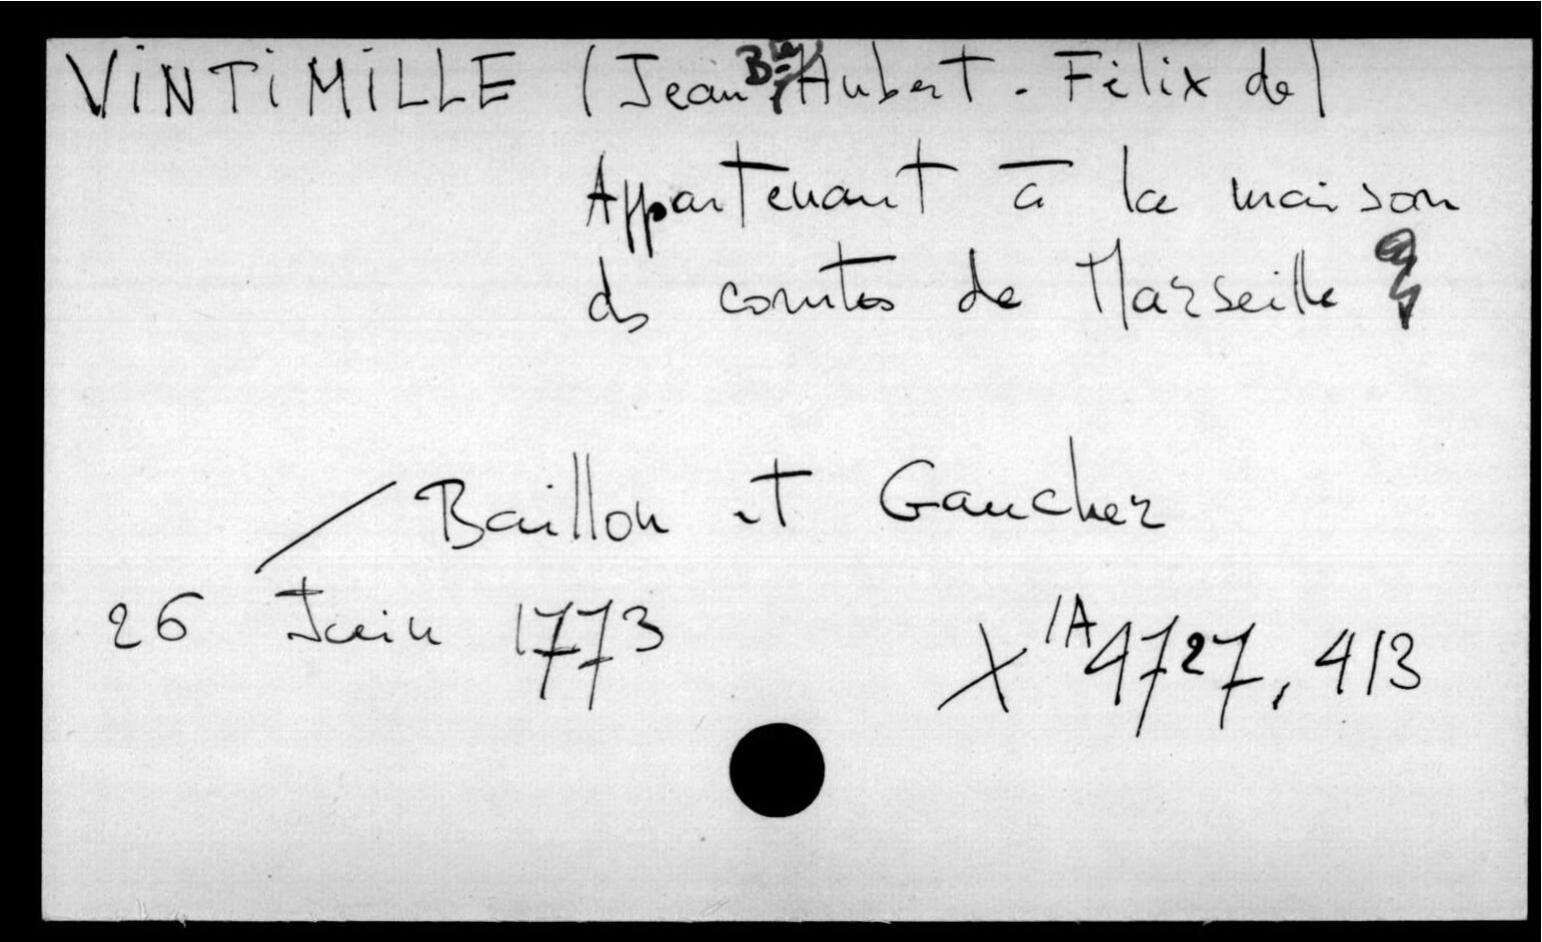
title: VINTIMILLE (Jean Baptise Huber-Félix de) appartenant à la maison des comtes de Marseille
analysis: Contre Baillon et Gaucher
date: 26 juin 1773
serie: X1A
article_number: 4727
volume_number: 413
